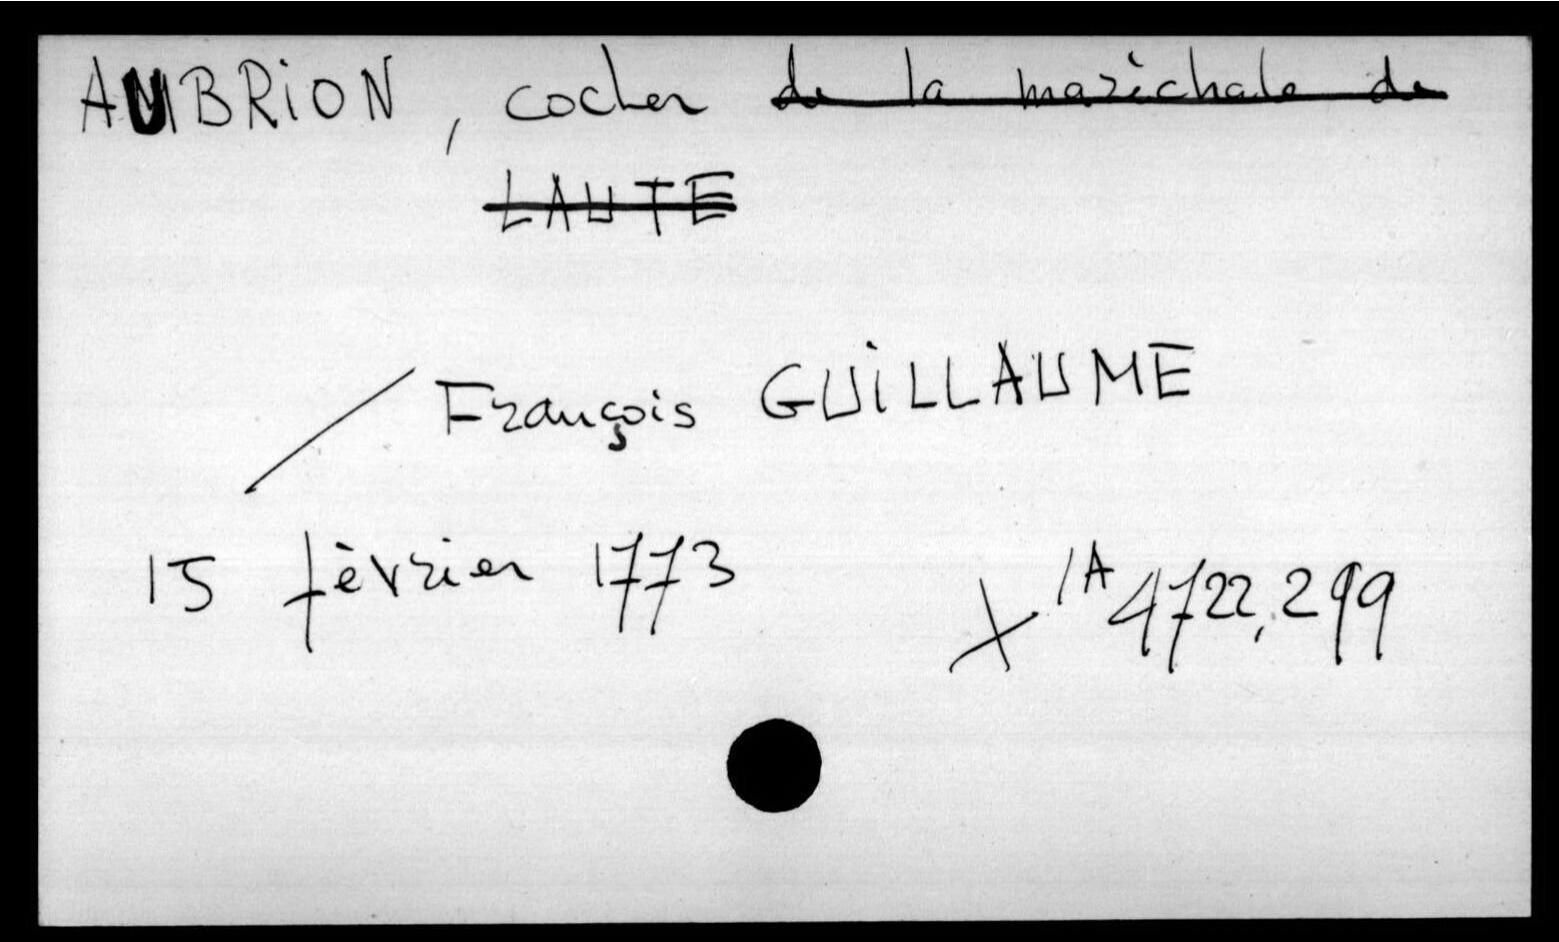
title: AUBRION, cocher
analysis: Contre François GUILLAUME
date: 15 février 1773
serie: X1A
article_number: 4722
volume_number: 299
